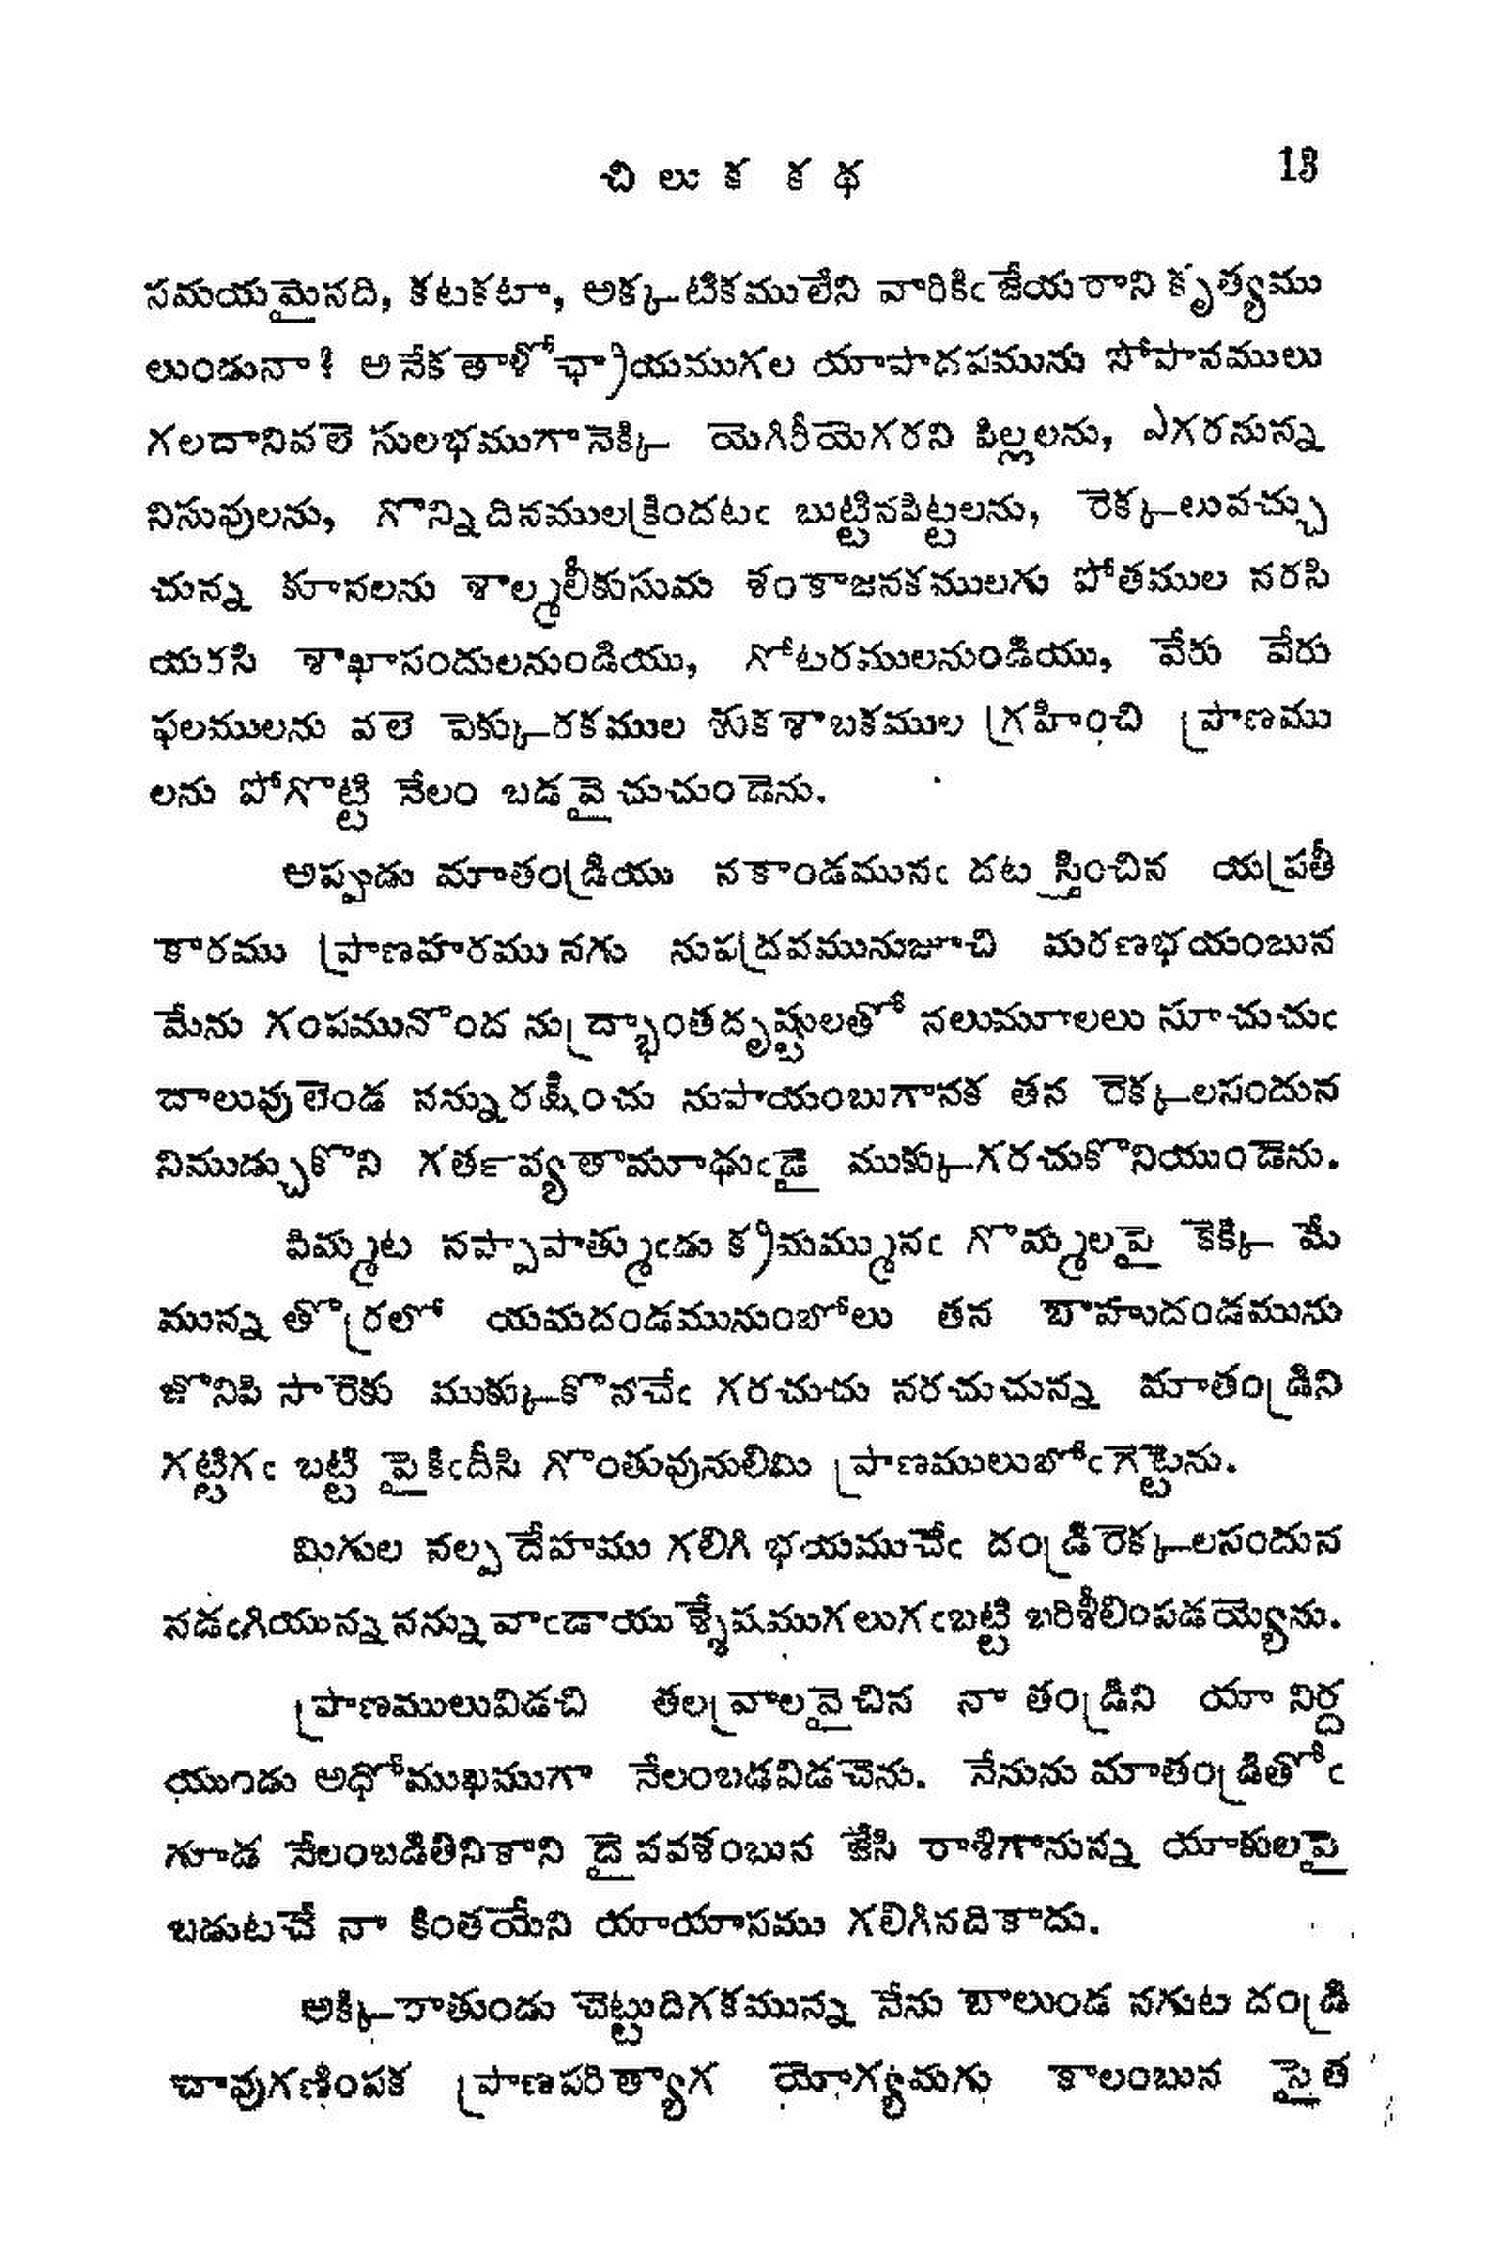సమయమైనది, కటకటా, అక్కటికములేని వారికిఁజేయరాని కృత్యము లుండునా? అనేకతాళోఛ్రాయముగల యాపాదపమును సోపానములు గలదానివలె సులభముగానెక్కి యెగిరీయెగరని పిల్లలను, ఎగరనున్న నిసువులను, గొన్నిదినములక్రిందటఁ బుట్టినపిట్టలను, రెక్కలువచ్చుచున్న కానలును శాల్మలీకుసుమ శంకాజనకములగు పోతముల నరసి యరసి శాఖాసందులనుండియు, గోటరములనుండియు, వేరు వేరు ఫలములను వలె పెక్కురకముల శుకశాబకముల గ్రహించి ప్రాణములను పోగొట్టి నేలం బడవైచుచుండెను.

అప్పుడు మాతండ్రియు నకాండమునఁ దటస్తించిన యప్రతీకారము ప్రాణహరము నగు నుపద్రవమునుజూచి మరణభయంబున మేను గంపమునొంద నుద్భ్రాంతదృష్టులతో నలుమూలలు సూచుచుఁ దాలువులెండ నన్నురక్షించు నుపాయంబుగానక తన రెక్కలసందున నిముడ్చుకొని గత౯వ్యతామూఢుఁడై ముక్కుగరచుకొనియుండెను.

పిమ్మట నప్పాపాత్ముఁడు క్రమమ్మునఁ గొమ్మలపై కెక్కి మే మున్న తొర్రలో యమదండమునుంబోలు తన బాహుదండమును జొనిపి సారెకు ముక్కుకొనచేఁ గరచుచు నరచుచున్న మాతండ్రిని గట్టిగఁ బట్టి పైకిఁదీసి గొంతువునులిమి ప్రాణములుబోఁగెట్టెను.

మిగుల నల్ప దేహము గలిగి భయముచేఁ దండ్రిరెక్కలసందున నడఁగియున్ననన్నువాఁడాయుశ్శేషముగలుగఁబట్టి బరిశీలింపడయ్యెను.

ప్రాణములువిడచి తలవ్రాలవైచిన నా తండ్రిని యా నిర్దయుండు అధోముఖముగా నేలంబడవిడచెను. నేనును మాతండ్రితోఁ గూడ నేలంబడితినికాని దైవవశంబున జేసి రాశిగానున్న యాకులపై బడుటచే నా కింతయేని యాయాసము గలిగినదికాదు.

అక్కిరాతుండు చెట్టుదిగకమున్న నేను బాలుండ నగుట దండ్రి చావుగణింపక ప్రాణపరిత్యాగ యోగ్యమగు కాలంబున సైత